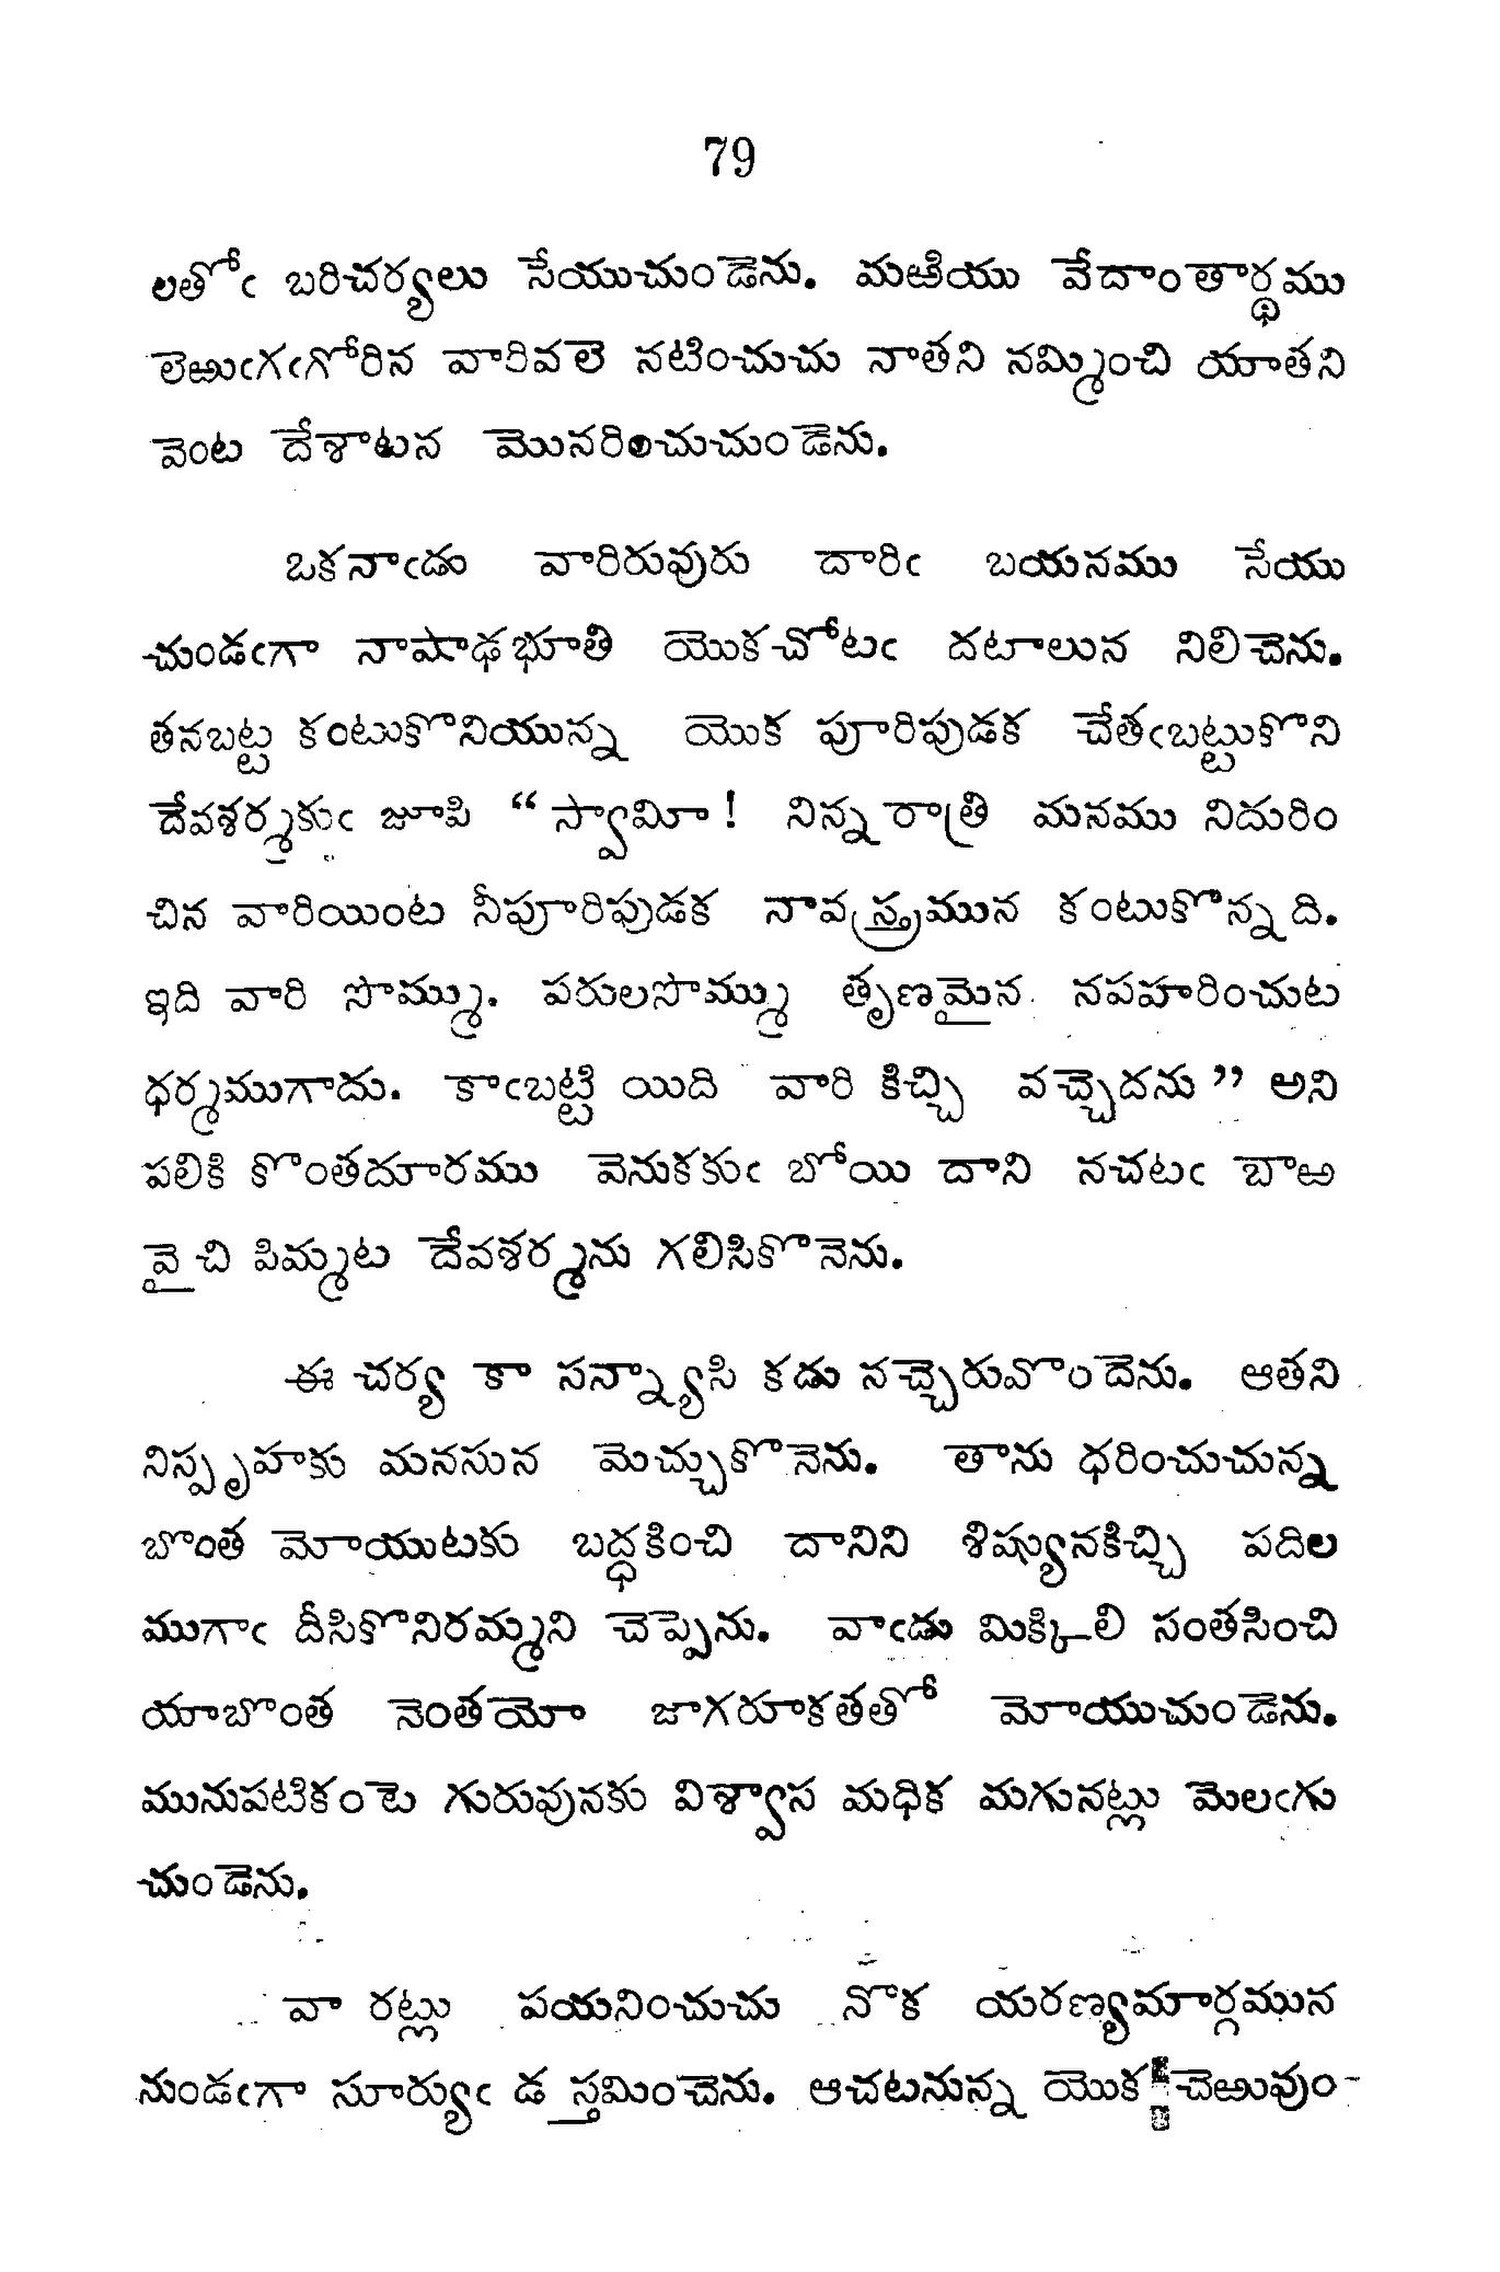లతో బరిచర్యలు సేయుచుండెను. మఱియు వేదాంతార్థము లెఱుగగోరిన వారివలె నటించుచు నాతని నమ్మించి యాతని వెంట దేశాటన మొనరించుచుండెను. 

ఒకనాడు వారిరువురు దారి బయనము సేయు చుండగా నాషాడభూతి యొకచోట దటాలున నిలిచెను. తనబట్ట కంటుకొనియున్న యొక పూరిపుడక చేతబట్టుకొని దేవశర్మకు జూపి "స్వామీ! నిన్నరాత్రి మనము నిదురించిన వారియింట నీపూరిపుడక నావస్త్రమున కంటుకొన్నది. ఇది వారి సొమ్ము. పరులసొమ్ము తృణమైన నపహరించుట ధర్మముగాదు. కాబట్టి యిది వారి కిచ్చి వచ్చెదను" అని పలికి కొంతదూరము వెనుకకు బోయి దాని నచట బాఱవైచి పిమ్మట దేవశర్మను గలిసికొనెను.

ఈ చర్య కా సన్న్యాసిని కడు నచ్చెరువొందెను. ఆతని నిస్పృహకు మనసున మెచ్చుకొనెను. తాను ధరించుచున్న బొంత మోయుటకు బద్ధకించి దానిని శిష్యునకిచ్చి పదిలముగా దీసికొనిరమ్మని చెప్పెను. వాడు మిక్కిలి సంతసించి యాబొంత నెంతయో జాగరూకతో మోయుచుండెను. మునుపటికంటె గురువునకు విశ్వాస మధిక మగునట్లు మెలగు చుండెను.

వా రట్లు పయనించుచు నొక యరణ్యమార్గమున నుండగా సూర్యు డస్తమించెను. ఆచటనున్న యొక చెఱువుం